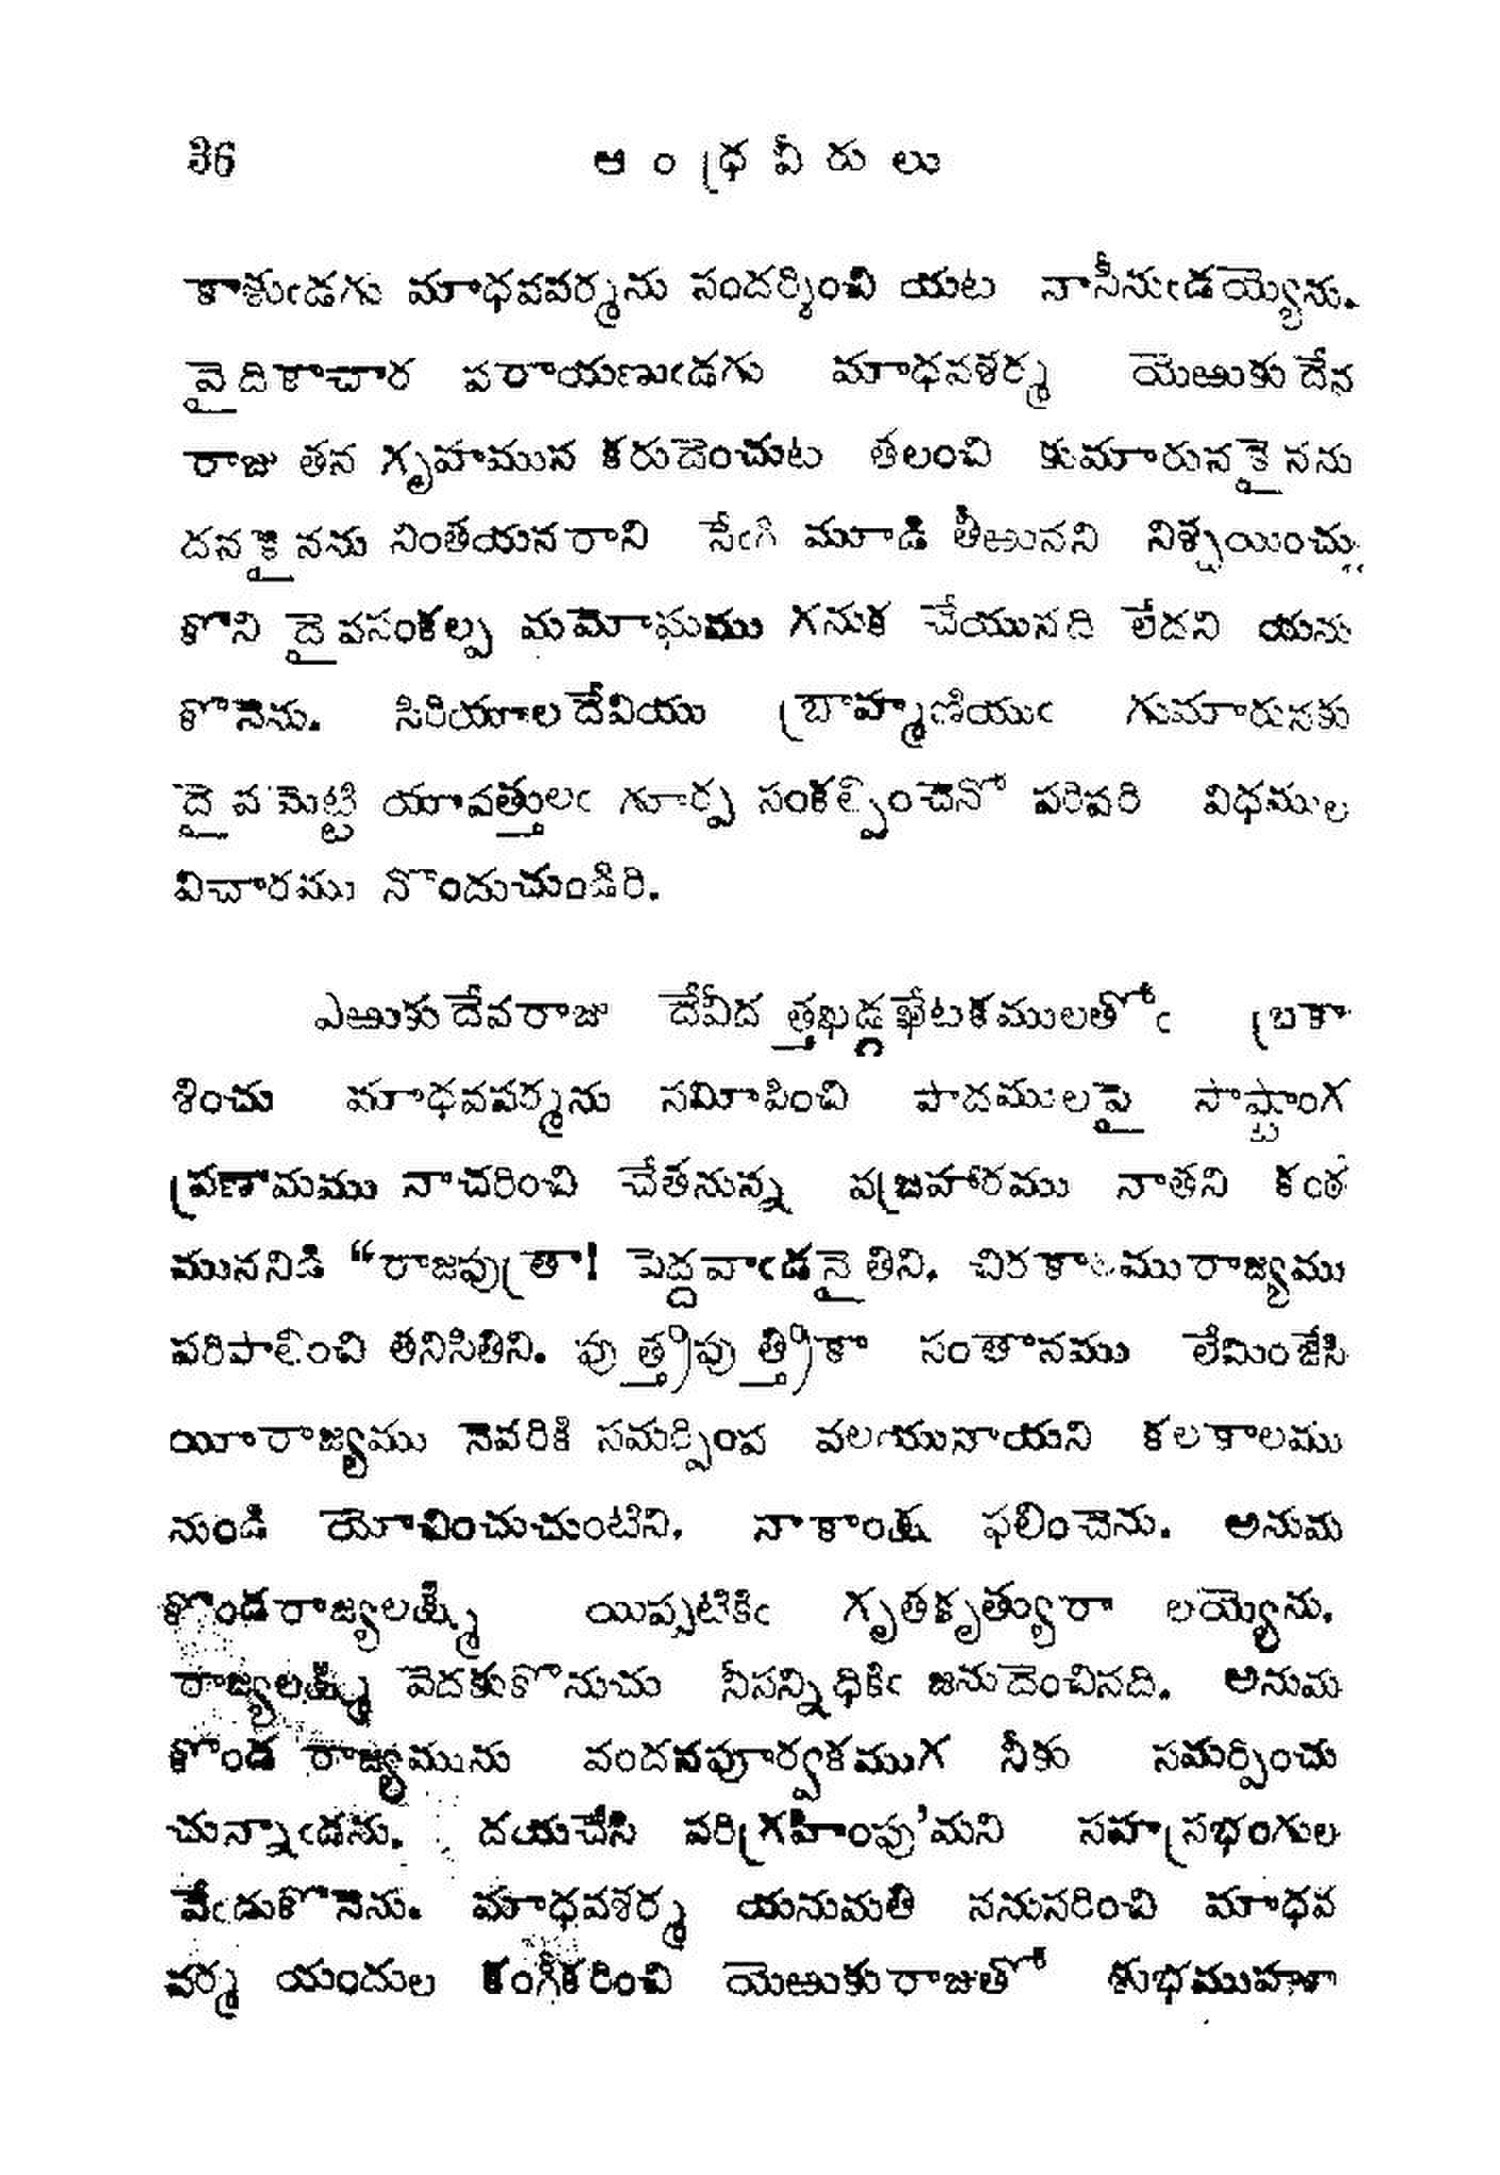కాశుడగు మాధవవర్మను సందర్శించి యట నాసీనుడయ్యెను. వైదికాచార పరాయణుడగు మాధవశర్మ యెఱుకుదేవరాజు తన గృహమున కరుదెంచుట తలంచి కుమారునకైనను దనకైనను నింతయనరాని సేగిమూడి తీఱునని నిశ్చయించుకొని దైవసంకల్ప మమోఘము గనుక చేయునది లేదని యనుకొనెను. సిరియాలదేవియు బ్రాహ్మణియు గుమారునకు దైవమెట్టి యాపత్తుల గూర్ప సంకల్పించెనో పరిపరి విధముల విచారము నొందుచుండిరి.

ఎఱుకదేవరాజు దేవీదత్తఖడ్గఖేటకములతో బ్రకాశించు మాధవవర్మను సమీపించి పాదములపై సాష్టాంగ ప్రణామము నాచరించి చేతనున్న వజ్రహారము నాతని కంఠముననిడి "రాజపుత్రా! పెద్దవాడనైతిని. చిరకాలము రాజ్యము పరిపాలించి తనిసితిని. పుత్రపుత్రికా సంతానము లేమింజేసి యీరాజ్యము నెవరికి సమర్పింప వలయునాయని కలకాలము నుండి యోచించుచుంటిని. నాకాంక్ష ఫలించెను. అనుమకొండరాజ్యలక్ష్మి యిప్పటికి గృతకృత్యురా లయ్యెను. రాజ్యలక్ష్మి వెదకుకొనుచు నీసన్నిధికి జనుదెంచినది. అనుమకొండ రాజ్యమును వందనపూర్వకముగ నీకు సమర్పించుచున్నాడను. దయచేసి పరిగ్రహింపు'మని సహస్రభంగుల వేడుకొనెను. మాధవశర్మ యనుమతి ననుసరించి మాధవవర్మ యందుల కంగీకరించి యెఱుకురాజుతో శుభముహూ